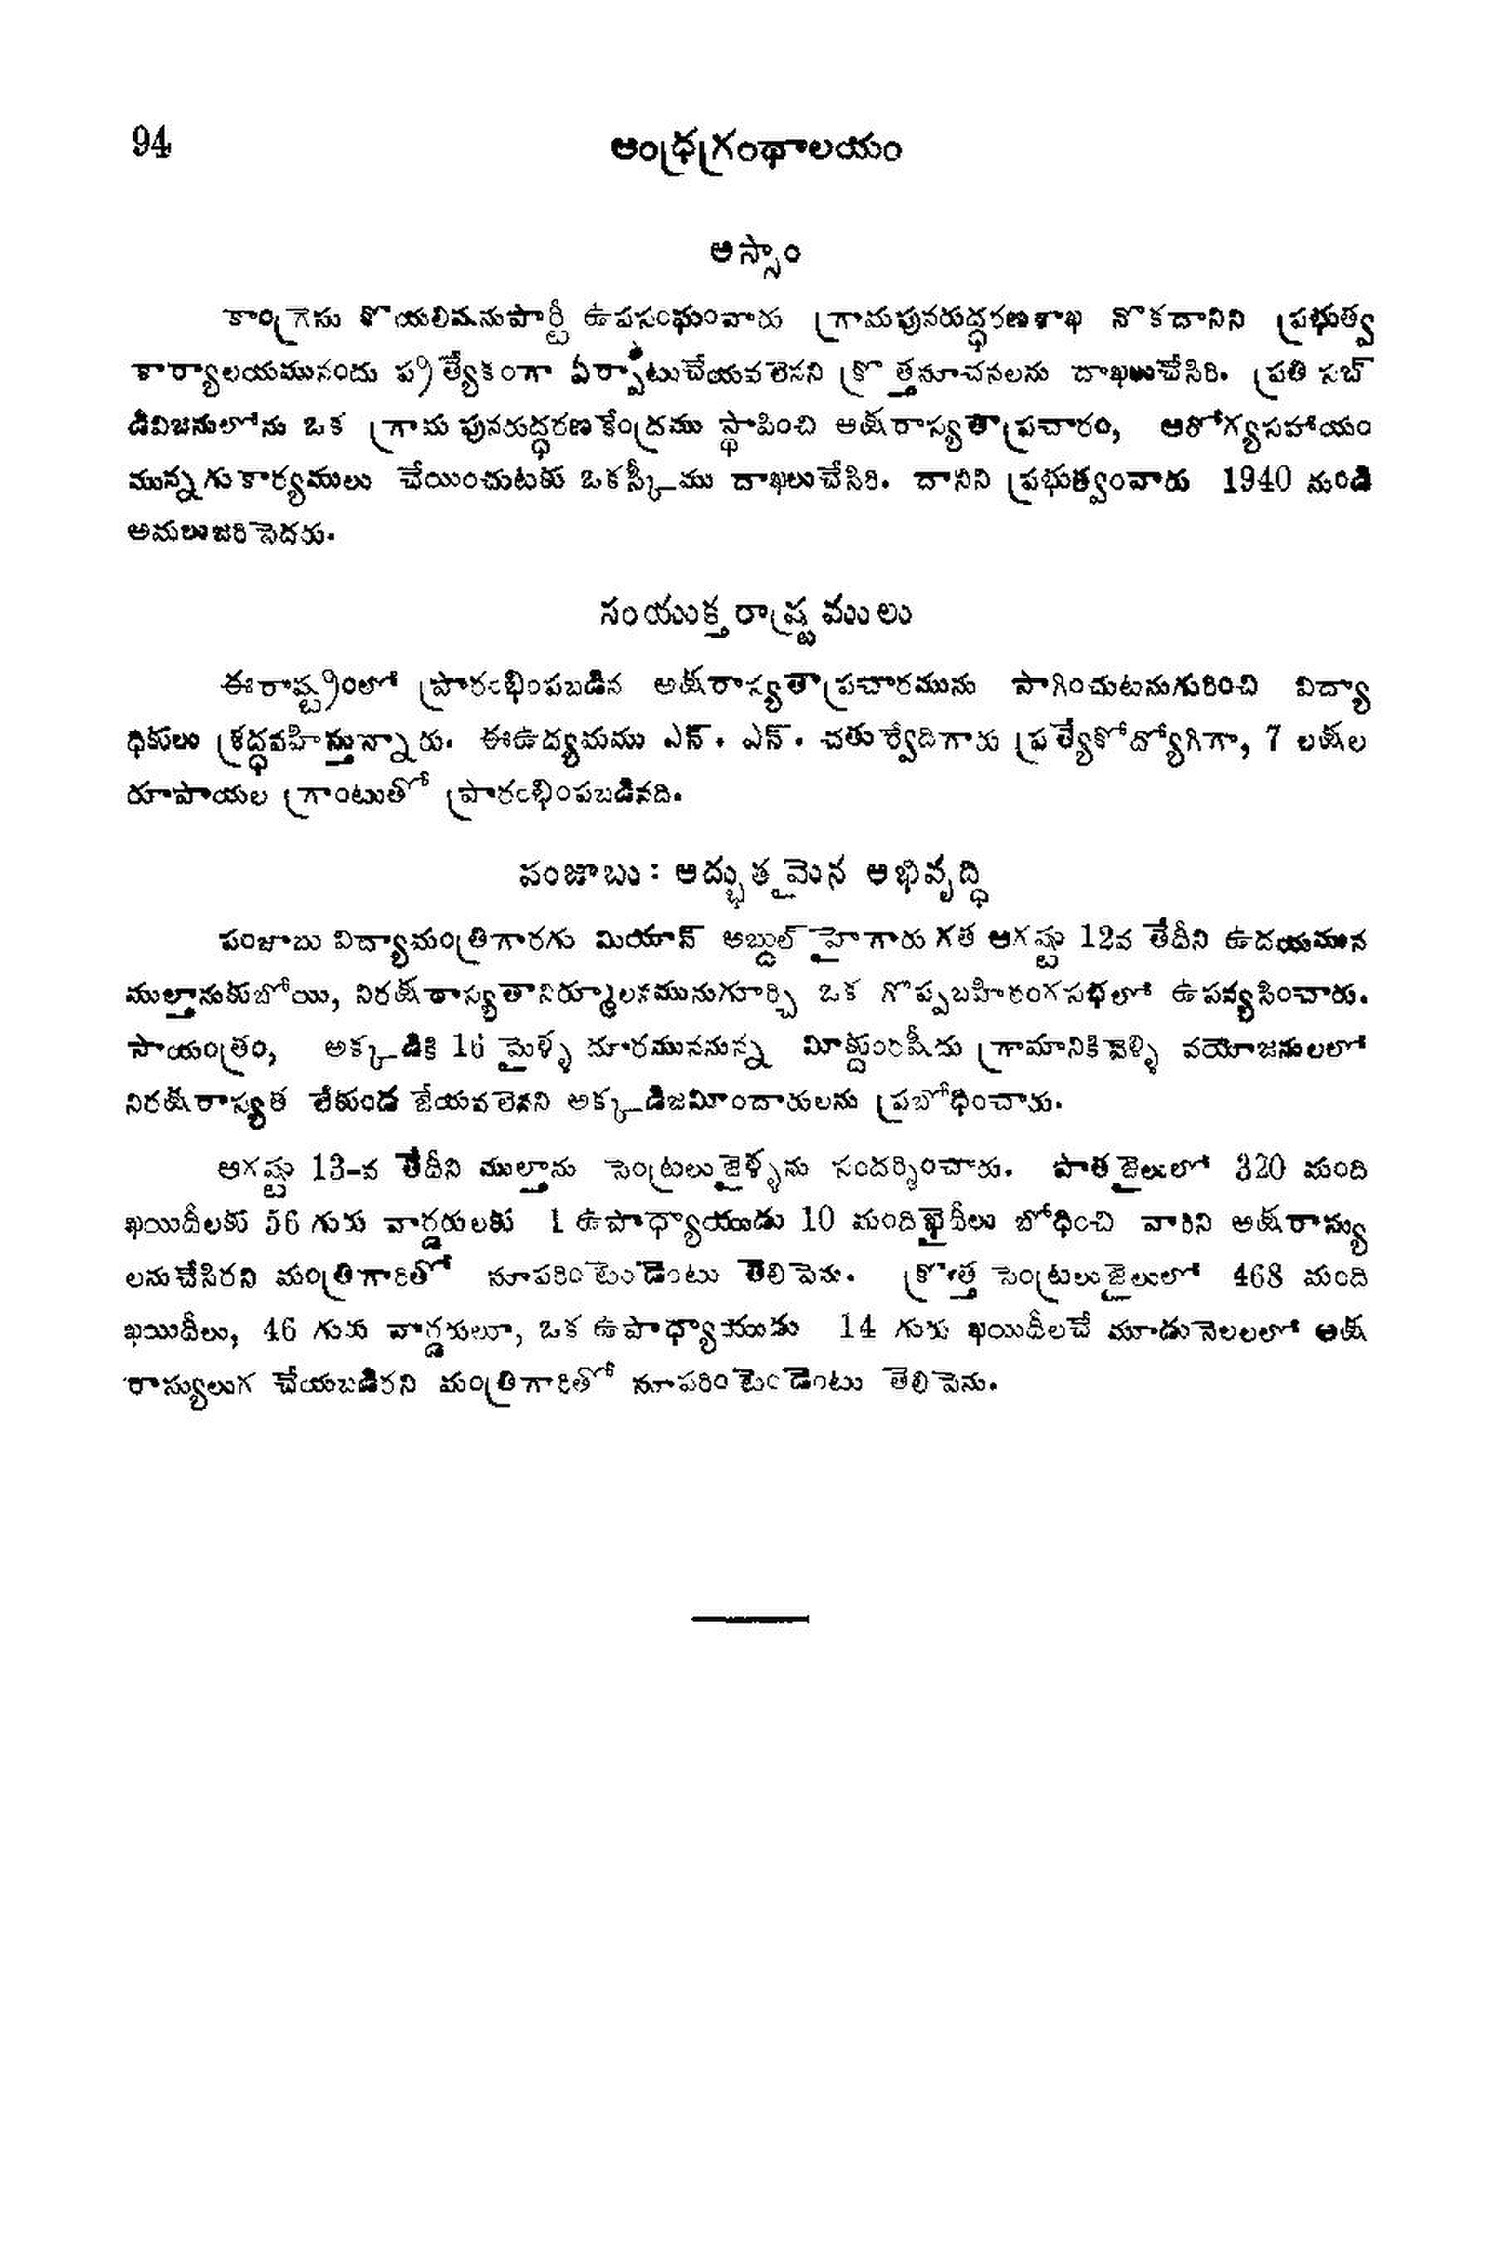కాంగ్రెసు కొయలిషనుపార్టీ ఉపసంఘంవారు గ్రామపునరుద్ధరణ శాఖ నొకదానిని ప్రభుత్వ కార్యాలయమునందు ప్రత్యేకంగా ఏర్పాటుచేయవలెనని క్రొత్తనూచనలను దాఖలు చేసిరి. ప్రతి సబ్ డివిజనులోను ఒక గ్రామ పునరుద్ధరణ కేంద్రము స్థాపించి 
అక్షరాస్యతా ప్రచారం, ఆరోగ్యసహాయం మున్నగు కార్యములు చేయించుటకు ఒక స్కీము దాఖలు చేసిరి. దానిని 
ప్రభుత్వంవారు 1940 నుండి అమలు జరిపెదరు .

ఈ రాష్ట్రంలో ప్రారంభింపబడిన అక్షరాస్యతా ప్రచారమును సాగించుటను గురించి విద్యాధికులు శ్రద్ధవహిస్తున్నారు. 
ఈఉద్యమము ఎస్.ఎన్.చతుర్వేది గారు ప్రత్యేకోద్యోగిగా, 7 లక్షల రూపాయల గ్రాంటుతో ప్రారంభింపబడినది.

పంజాబు విద్యామంత్రిగారగు మియాన్ అబ్దుల్హైగారు గత ఆగష్టు 12వ తేదీని ఉదయమున ముల్తానుకుబోయి, నిరక్షరాస్యతానిర్మూలనమును గూర్చి ఒక గొప్ప బహిరంగసభలో ఉపన్యసించారు. సాయంత్రం, అక్కడికి 16 మైళ్ళ 
దూరముననున్న మికుడికుంశీదు గ్రామానికి వెళ్ళి వయోజనులలో నిరక్షరాస్యత లేకుండ జేయవలెనని అక్కడి 
జమీందారులను ప్రబోధించారు.

ఆగష్టు 13-వ తేదీని ముల్తాను సెంట్రలు జైళ్ళను సందర్శించారు. పాత జైలులో 320 మంది ఖయిదీలకు 
56 గురు వార్డరులకు 1 ఉపాధ్యాయుడు 10 మంది ఖైదీలు బోధించి వారిని అక్షరాస్యలను చేసిరని మంత్రి గారితో 
సూపరింటెండెంటు తెలిపెను. క్రొత్త సెంట్రలు జైలులో 468 మంది ఖయిదీలు, 46 గురు వార్డరులూ, ఒక 
ఉపాధ్యాయుడు 14 గురు ఖయిదీలచే మూడు నెలలలో అక్షరాస్యులుగ చేయబడిరని మంత్రిగారితో 
నూపరింటెండెంటు తెలిపెను.